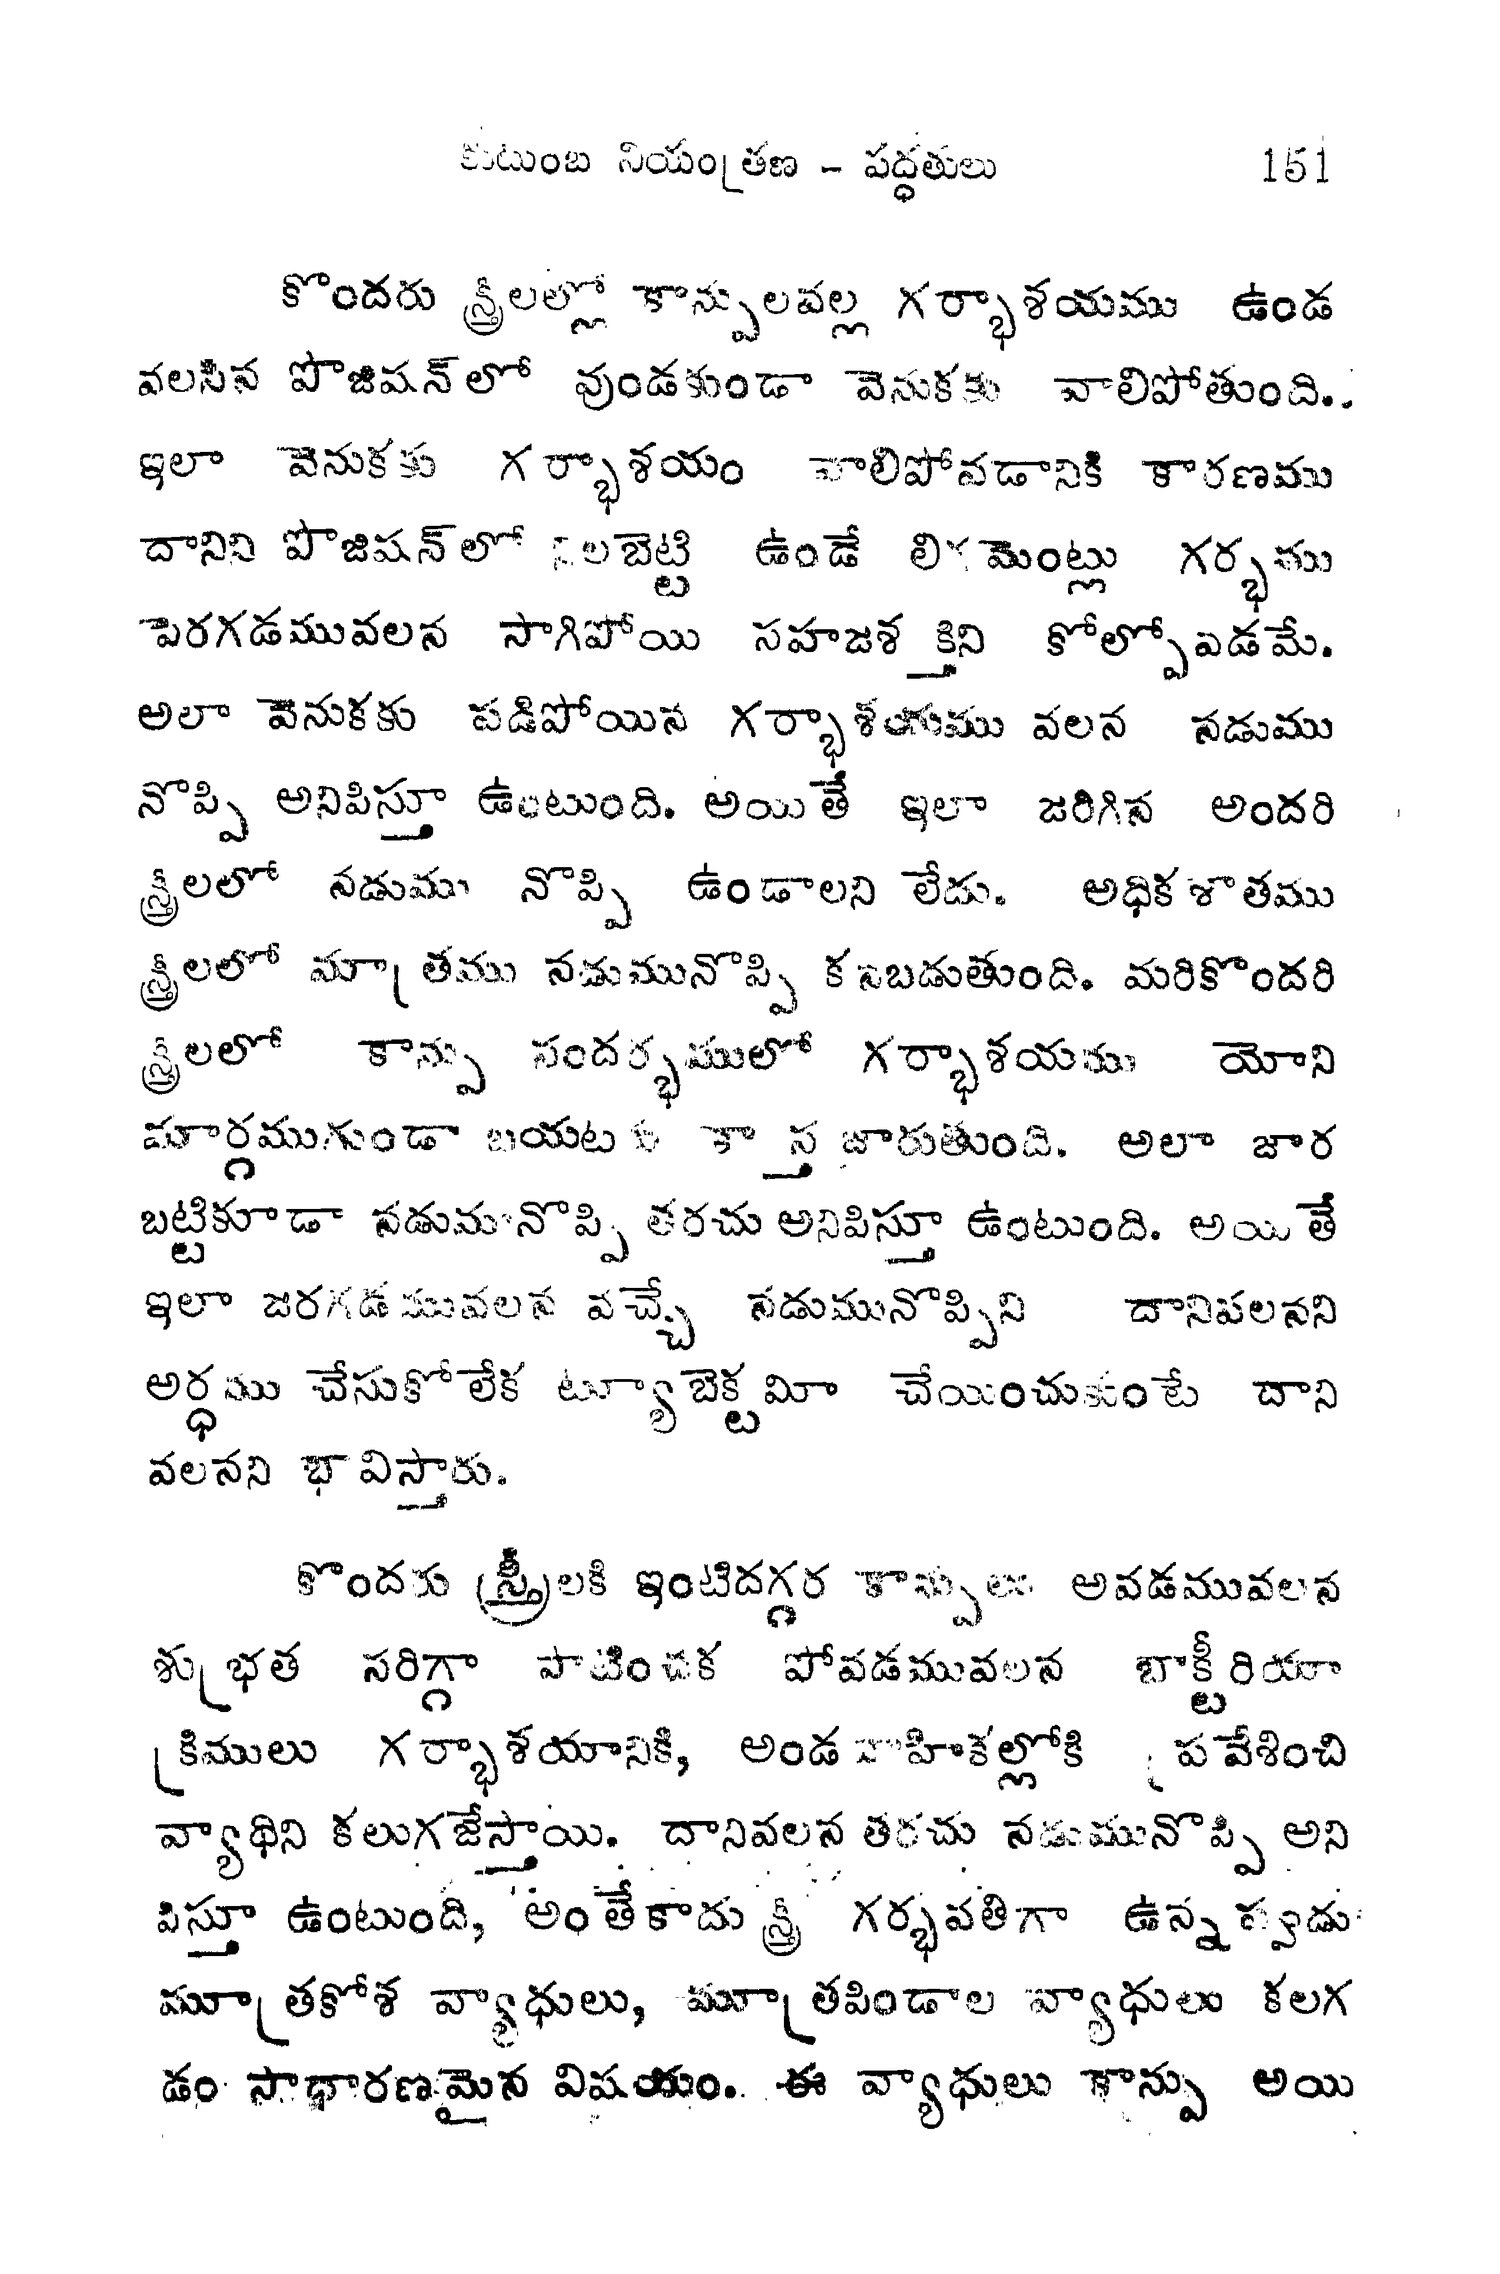కొందరు స్త్రీలల్లో కాన్పులవల్ల గర్భాశయము ఉండవలసిన పొజిషన్‌లో వుండకుండా వెనుకకు వాలిపోతుంది. ఇలా వెనుకకు గర్భాశయం వాలిపోవడానికి కారణము దానిని పొనిషన్‌లో నిలబెట్టి ఉండే లిగమెంట్లు గర్భము పెరగడమువలన సాగిపోయి సహజశక్తిని కోల్పోవడమే. అలా వెనుకకు పడిపోయిన గర్భాశయము వలన నడుమునొప్పి అనిపిస్తూ ఉంటుంది. అయితే ఇలా జరిగిన అందరి స్త్రీలలో నడుము నొప్పి ఉండాలని లేదు. అధికశాతము స్త్రీలలో మాత్రము నడుమునొప్పి కనబడుతుంది. మరికొందరి స్త్రీలలో కాన్పు సందర్భములో గర్భాశయము యోని మార్గముగుండా బయటకు కాస్త జారుతుంది. అలా జారబట్టికూడా నడుమునొప్పి తరచు అనిపిస్తూ ఉంటుంది. అయితే ఇలా జరగడమువలన వచ్చే నడుమునొప్పిని దానివలనని అర్ధము చేసుకోలేక ట్యూబెక్టమీ చేయించుకుంటే దాని వలనని భావిస్తారు.

కొందరు స్త్రీలకి ఇంటిదగ్గర కాన్పులు అవడమువలన శుభ్రత సరిగ్గా పాటించక పోవడమువలన బాక్టీరియా క్రిములు గర్భాశయానికి. అండవాహికల్లోకి ప్రవేశించి వ్యాధిని కలుగజేస్తాయి. దానివలన తరచు నడమునొప్పి అనిపిస్తూ ఉంటుంది. అంతేకాదు స్త్రీ గర్భవతిగా ఉన్నప్పుడు మూత్రకోశ వ్యాధులు, మూత్రపిండాల వ్యాధులు కలగడం సాధారణమైన విషయం. ఈ వ్యాధులు కాన్పు అయి